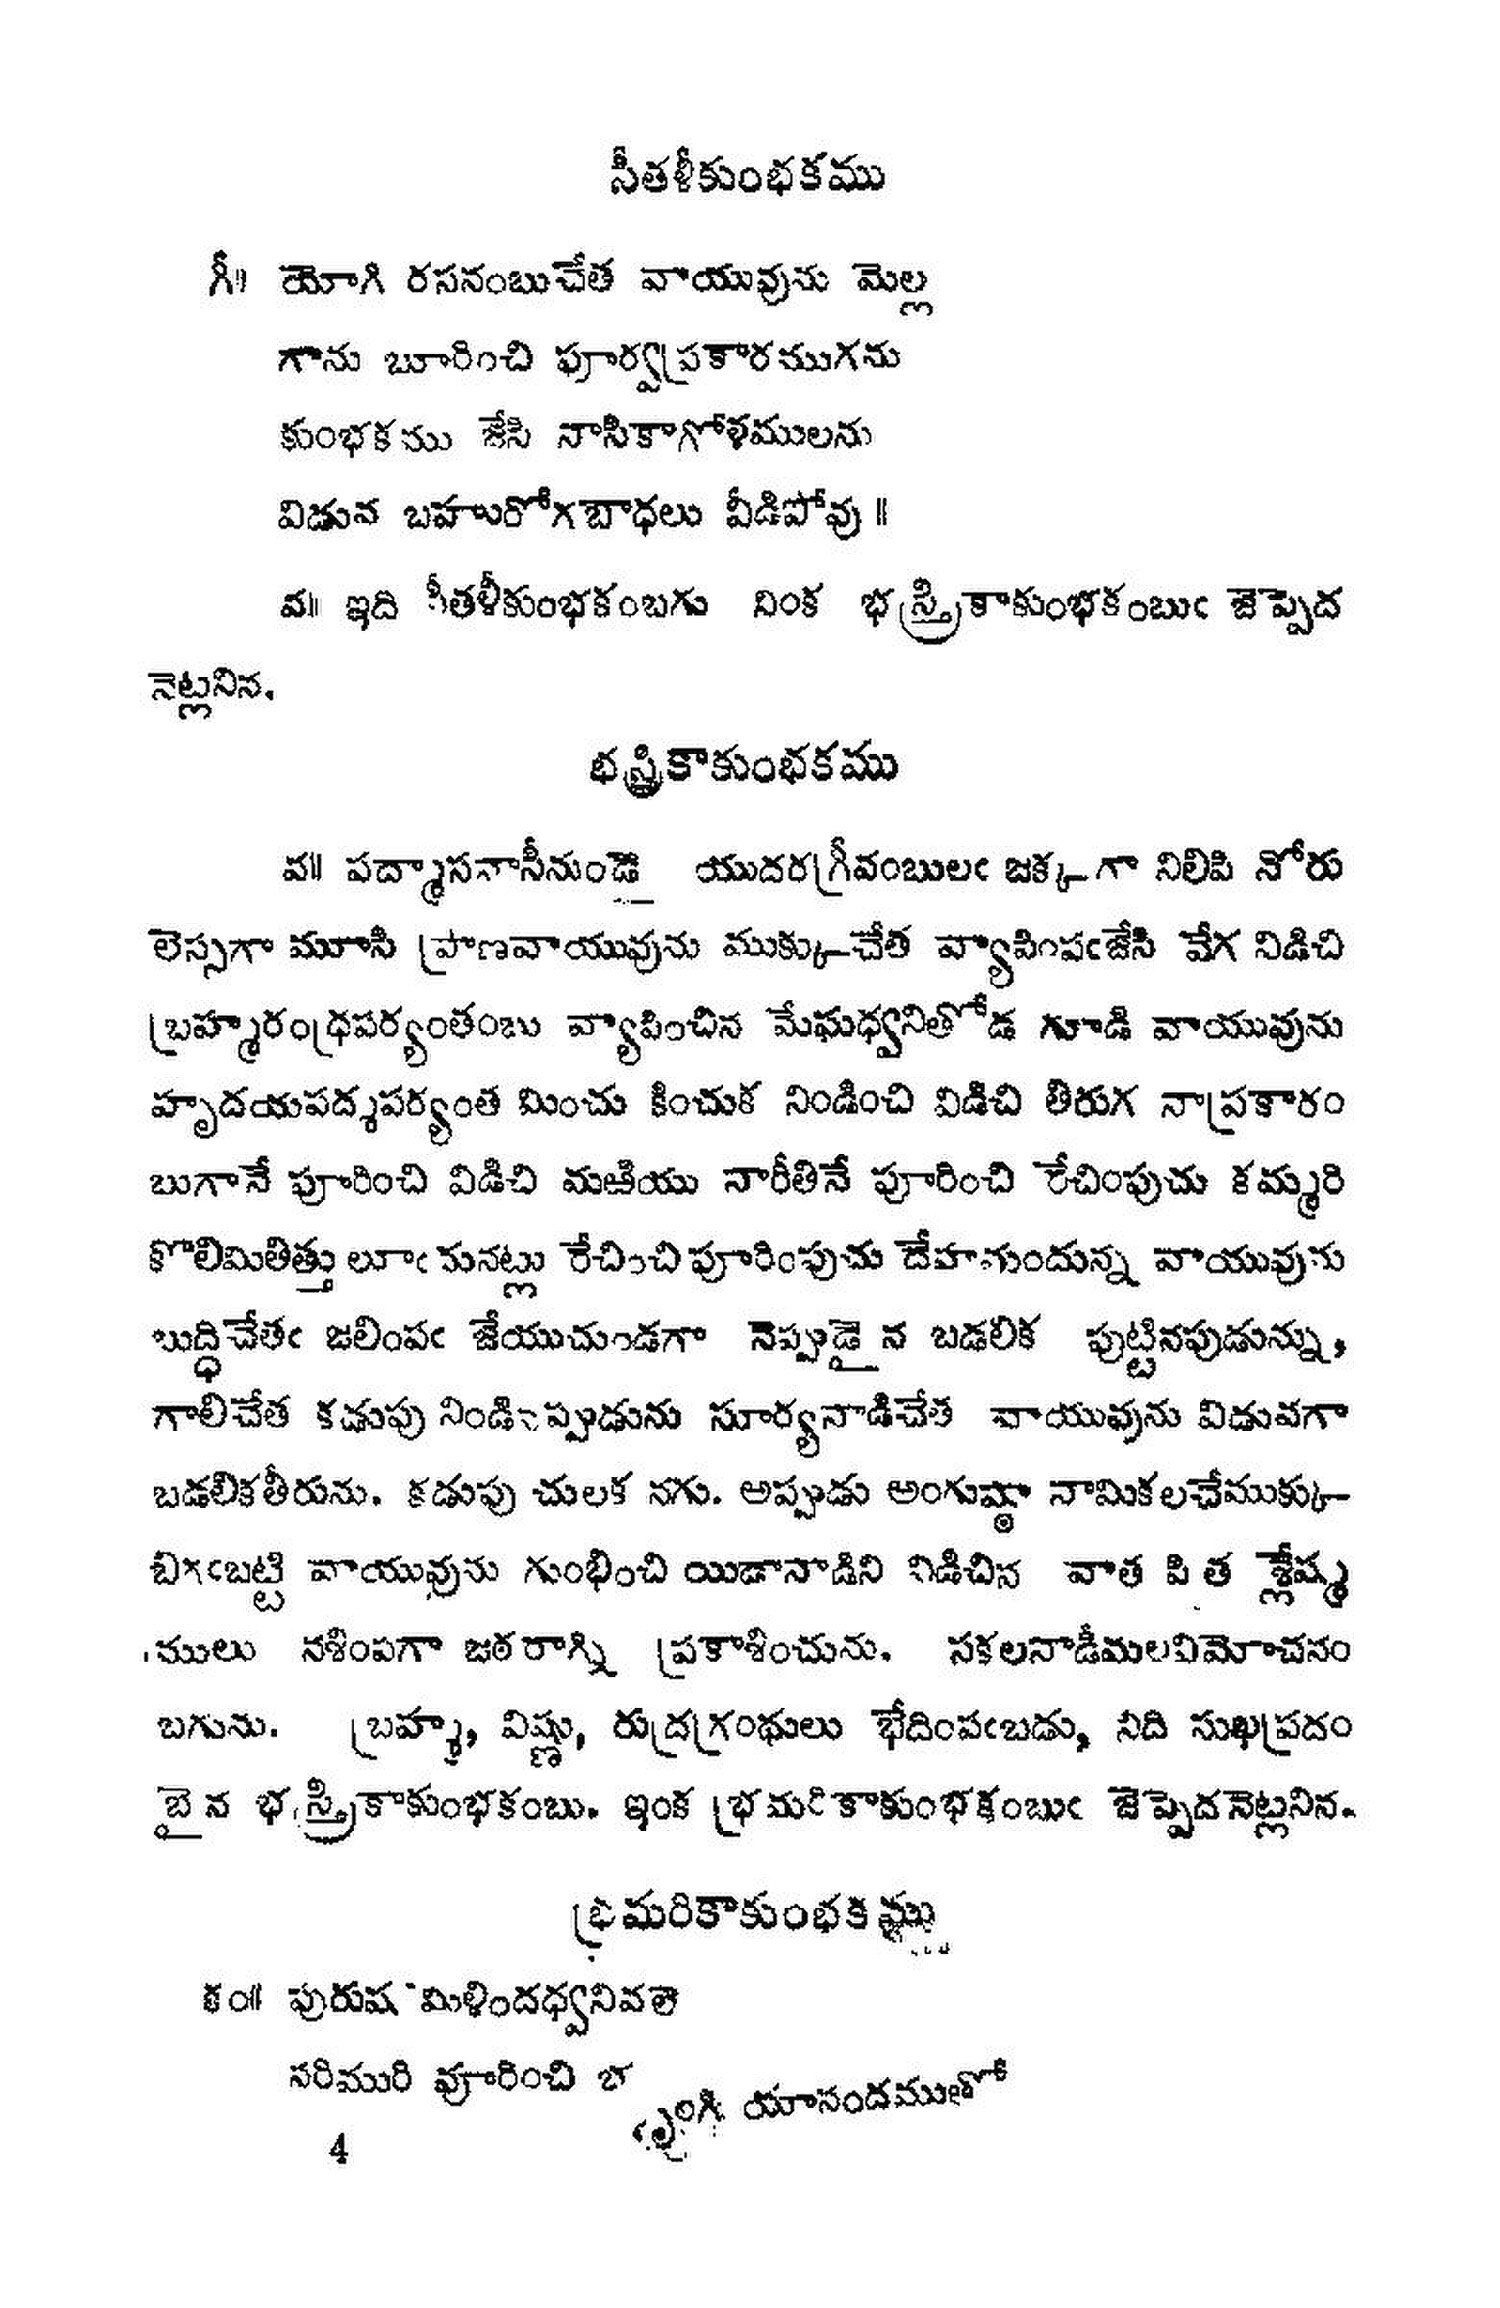గీ యోగి రసనంబుచేత వాయువును మెల్ల
 గాను బూరించి పూర్వప్రకారముగను
 కుంభకము జేసి నాసికాగోళములను
 విడువ బహురోగబాధలు వీడిపోవు.
వ. ఇది సీతళీకుంభకంబగు నింక భస్త్రికాకుంభకంబుఁ జెప్పెద నెట్లనిన.

వ. పద్మాసనాసీనుండై యుదరగ్రీవంబులఁ జక్కగా నిలిపి నోరు లెస్సగా మూసి ప్రాణవాయువును ముక్కుచేత వ్యాపింపఁజేసి వేగ విడిచి బ్రహ్మరంధ్రపర్యంతంబు వ్యాపించిన మేఘధ్వనితోడ గూడి వాయువును హృదయపద్మపర్యంత మించు కించుక నిండించి విడిచి తిరుగ నాప్రకారంబుగానే పూరించి విడిచి మఱియు నారీతినే పూరించి రేచింపుచు కమ్మరి కొలిమితిత్తు లూఁదునట్లు రేచించి పూరింపుచు దేహముందున్న వాయువును బుద్ధిచేతఁ జలింపఁ జేయుచుండగా నెప్పుడై న బడలిక పుట్టినపుడున్ను, గాలిచేత కడుపు నిండినప్పుడును సూర్యనాడిచేత వాయువును విడువగా బడలిక తీరును. కడుపు చులక నగు. అప్పుడు అంగుష్ఠానామికలచే ముక్కు బిగఁబట్టి వాయువును గుంభించి యిడానాడిని విడిచిన వాత పిత్త శ్లేష్మములు నశింపగా జఠరాగ్ని ప్రకాశించును. సకలనాడీమలవిమోచనంబగును. బ్రహ్మ, విష్ణు, రుద్రగ్రంథులు భేదింపఁబడు, నిది సుఖప్రదంబైన భస్త్రికాకుంభకంబు. ఇంక భ్రమరికాకుంభకంబుఁ జెప్పెద నెట్లనిన.

క. పురుష మిళిందధ్వనివలె
 నరిమురి వూరించి భృంగి యానందముతో